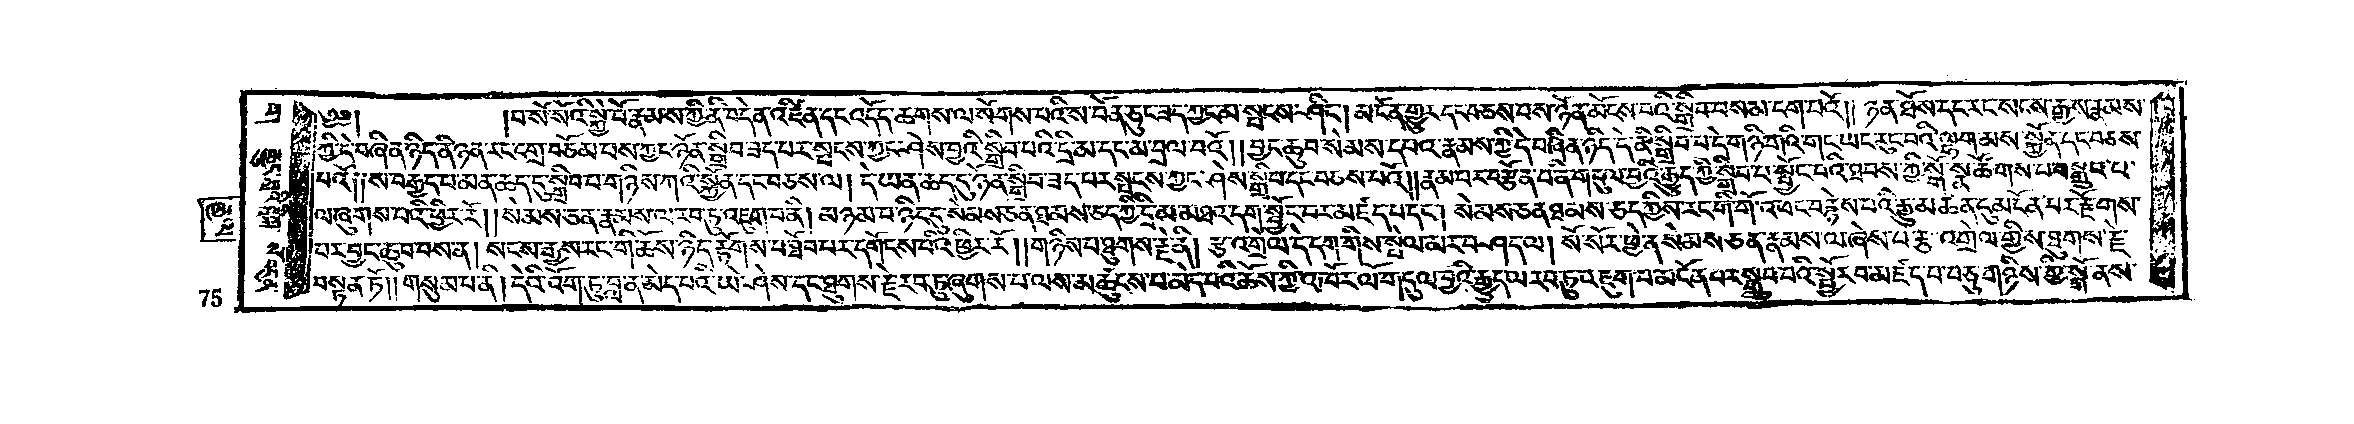༄༅། །པ་སོ་སོའི་སྐྱེ་བོ་རྣམས་ཀྱི་ནི་བདེན་འཛིན་དང་འདོད་ཆགས་ལ་སོགས་པའི་ས་བོན་ཅུང་ཟད་ཀྱང་མ་སྤངས་ཤིང་། མངོན་གྱུར་དང་བཅས་པས་ཉོན་མོངས་པའི་སྒྲིབ་བསམ་དག་པའོ། །ཉན་ཐོས་དང་རང་སངས་རྒྱས་རྣམས་
ཀྱི་དེ་བཞིན་ཉིད་ནི་ཉན་རང་དགྲ་བཅོམ་པས་ཀྱང་ཉོན་སྒྲིབ་ཟད་པར་སྤངས་ཀྱང་ཤེས་བྱའི་སྒྲིབ་པའི་དྲི་མ་དང་མ་བྲལ་བའོ། །བྱང་ཆུབ་སེམས་དཔའ་རྣམས་ཀྱི་དེ་བཞིན་ཉིད་དེ་ནི་སྒྲིབ་པ་དེ་གཉི་གའི་གང་ཡང་རུང་བའི་ལྷག་མས་སྐྱོན་དང་བཅས་
པའོ༑ ༑ས་བརྒྱད་པ་མན་ཆད་དུ་སྒྲིབ་པ་གཉིས་ཀའི་སྐྱོན་དང་བཅས་ལ། དེ་ཡན་ཆད་དུ་ཉོན་སྒྲིབ་ཟད་པར་སྤངས་ཀྱང་ཤེས་སྒྲིབ་དང་བཅས་པའོ། །རྣམ་པར་བརྩོན་པ་ནི་གདུལ་བྱའི་རྒྱུད་ཀྱི་སྒྲིབ་པ་སྦྱོང་བའི་ཐབས་ཀྱི་སྒོ་སྣ་ཚོགས་པ་བསྒྲུབ་པ་
ལ་ཞུགས་པའི་ཕྱིར་རོ། །སེམས་ཅན་རྣམས་ལ་རབ་ཏུ་འཇུག་པ་ནི། མཉམ་པ་ཉིད་དུ་སེམས་ཅན་ཐམས་ཅད་ཀྱི་དྲི་མ་མཐའ་དག་སྦྱོང་བར་མཛད་པ་དང་། སེམས་ཅན་ཐམས་ཅད་ཀྱིས་རང་གི་གོ་འཕང་བརྙེས་པའི་རྒྱུ་མཚན་དུ་མངོན་པར་རྫོགས་
པར་བྱང་ཆུབ་པས་ན། སངས་རྒྱས་རང་གི་ཆོས་ཉིད་རྟོགས་པ་ཐོབ་པར་དགོངས་པའི་ཕྱིར་རོ། །གཉིས་པ་ཐུགས་རྗེ་ནི། རྩ་འགྲེལ་དེ་དག་གིས་སྤེལ་མར་བཤད་ལ། སོ་སོར་ཕྱེ་ན་སེམས་ཅན་རྣམས་ལ་ཞེས་པ་རྩ་འགྲེལ་གྱིས་ཐུགས་རྗེ་
བསྟན་ཏོ། །གསུམ་པ་ནི། དེའི་འོག་ཏུ་བླ་ན་མེད་པའི་ཡེ་ཤེས་དང་ཐུགས་རྗེ་རབ་ཏུ་ཞུགས་པ་ལས་མཚུངས་པ་མེད་པའི་ཆོས་ཀྱི་འཁོར་ལོ་གདུལ་བྱའི་རྒྱུད་ལ་རབ་ཏུ་འཇུག་པ་མངོན་པར་སྒྲུབ་པའི་སྦྱོར་བ་མཛད་པ་བཅུ་གཉིས་ཀྱི་སྒོ་ནས་